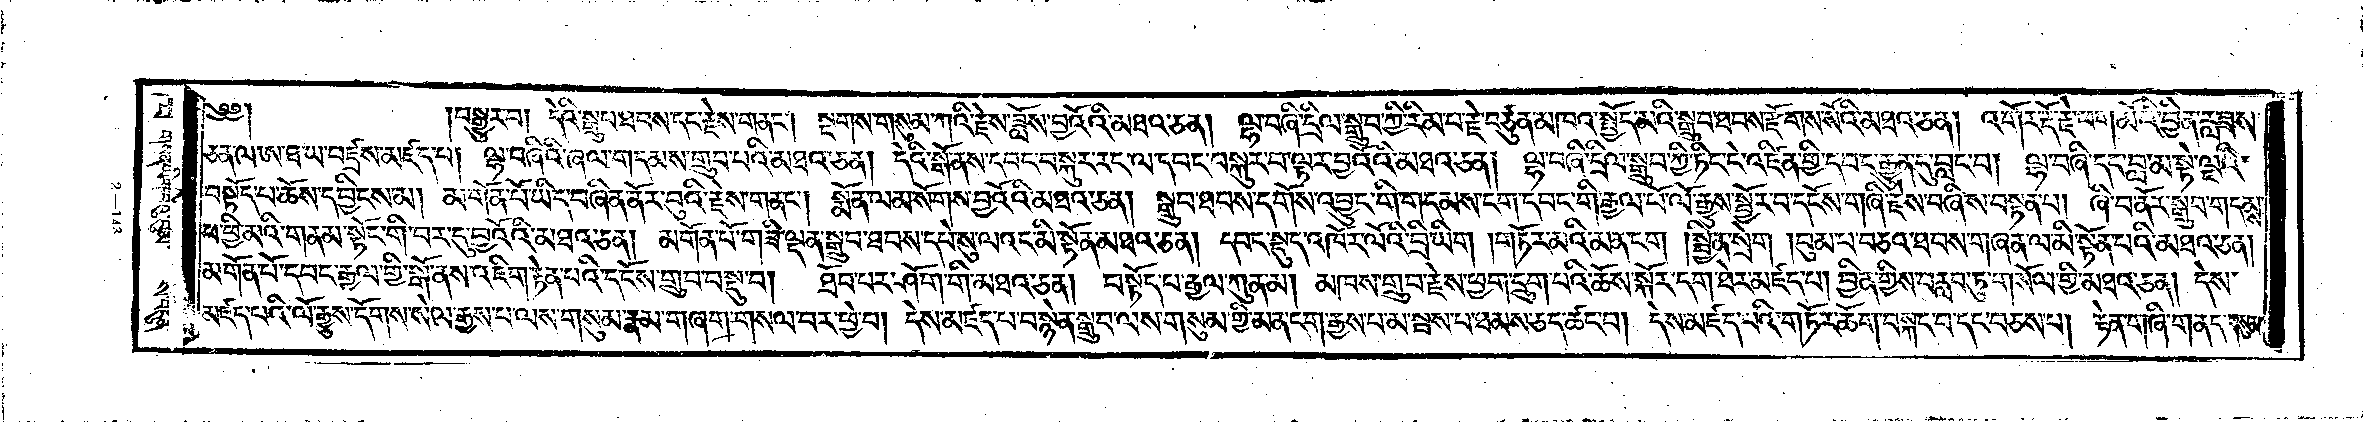༄༅། །བསྒྱུར་བ། དེའི་སྒྲུབ་ཐབས་དང་རྗེས་གནང་། སྔགས་གསུམ་ཀའི་རྗེས་ཟློས་བྱའོའི་མཐའ་ཅན། ལྷ་བཞི་དྲིལ་སྒྲུབ་ཀྱི་རིམ་པ་རྗེ་བཙུན་མཁའ་སྤྱོད་མའི་སྒྲུབ་ཐབས་རྫོགས་སོའི་མཐའ་ཅན། འགོར་རྡོ་རྗེ་ཕག་མོའི་བྱིན་རླབས་
ཅན་ལ་ཨ་ཐ་ཡ་བཛྲས་མཛད་པ། ལྷ་བཞིའི་ཞལ་གདམས་གྲུབ་པའི་མཐའ་ཅན། དེའི་སྒོ་ནས་དབང་བསྐུར་རང་ལ་དབང་བསྐུར་བ་ལྟར་བྱའོའི་མཐའ་ཅན། ལྷ་བཞི་དྲིལ་སྒྲུབ་ཀྱི་ཏིང་ངེ་འཛིན་གྱི་དབང་རྒྱུན་དུ་བླང་བ། ལྷ་བཞི་དང་བླ་མ་སྟེ་ལྔའི་
བསྟོད་པ་ཆོས་དབྱིངས་མ། མགོན་པོ་ཡིད་བཞིན་ནོར་བུའི་རྗེས་གནང་། སྨོན་ལམ་སོགས་བྱའོའི་མཐའ་ཅན། སྒྲུབ་ཐབས་དགོས་འབྱུང་གི་གདམས་ངག་དབང་གི་རྒྱལ་པོ་ལོ་རྒྱུས་སྦྱོར་བ་དངོས་གཞི་རྗེས་བཞི་ས་བསྟན་པ། ཞི་བ་ནོར་སྒྲུབ་གདམས་
ཕ་ཕྱི་མའི་གནམ་སྟོང་གི་བར་དུ་བྱའོའི་མཐའ་ཅན། མགོན་པོ་གཟི་ལྡན་སྒྲུབ་ཐབས་དཔེ་སུ་ལའང་མི་སྟོན་མཐའ་ཅན། དབང་སྡུད་འཁོར་ལོའི་བྲི་ཡིག །གཏོར་མའི་མན་ངག །སྦྱིན་སྲེག །བུམ་པ་བཅའ་ཐབས་གཞན་ལ་མི་སྟོན་པའི་མཐའ་ཅན།
མགོན་པོ་དབང་རྒྱལ་གྱི་སྒོ་ནས་འཇིག་རྟེན་པའི་དངོས་གྲུབ་བསྡུ་བ། ཐོབ་པར་ཤོག་གི་མཐའ་ཅན། བསྟོད་པ་རྒྱལ་ཀུན་མ། མཁས་གྲུབ་རྗེས་ཕྱག་དྲུག་པའི་ཆོས་སྐོར་དག་ཐེར་མཛད་པ། བྱིན་གྱིས་བརླབ་ཏུ་གསོལ་གྱི་མཐའ་ཅན། དེས་
མཛད་པའི་ལོ་རྒྱུས་དོགས་སེལ་རྒྱས་པ་ལས་གསུམ་རྣམ་གཞག་གསལ་བར་ཕྱེ་བ། དེས་མཛད་པ་བསྙེན་སྒྲུབ་ལས་གསུམ་གྱི་མན་ངག་རྒྱས་པ་མ་སྦས་པ་ཐམས་ཅད་ཚང་བ། དེས་མཛད་པའི་གཏོར་ཆོག་བསྐང་བ་དང་བཅས་པ། རྟེན་གཞི་གནད་གསུམ་